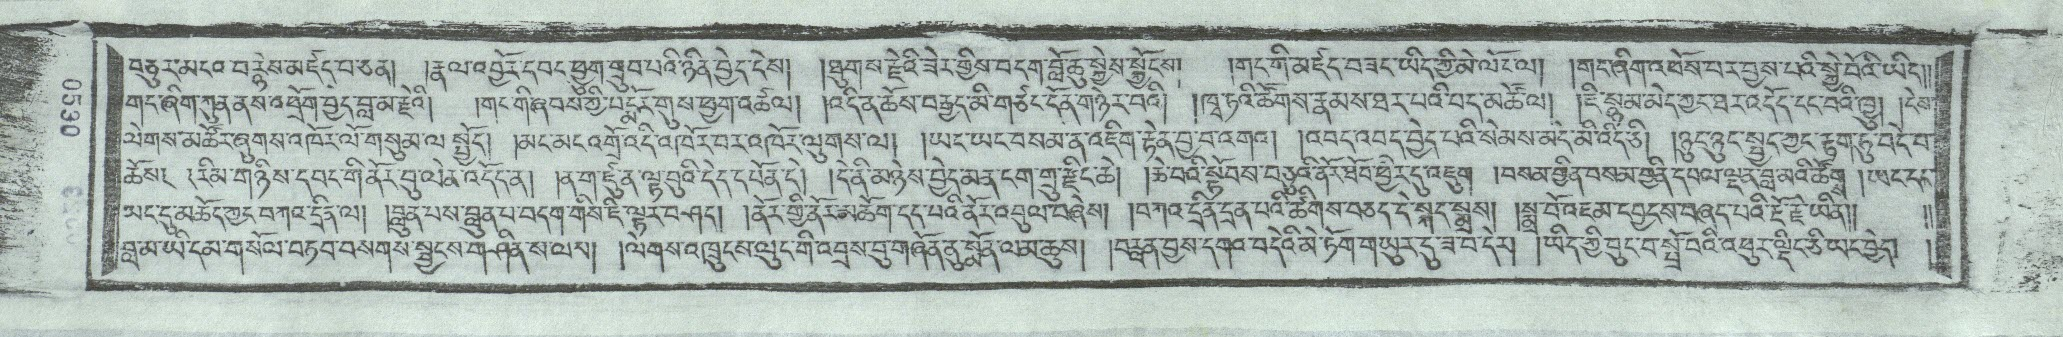བཅུར་མངའ་བརྙེས་མཛད་པ་ཅན། །རྣལ་འབྱོར་དབང་ཕྱུག་གྲུབ་པའི་ཉིན་བྱེད་དེས། །ཐུགས་རྗེའི་ཟེར་གྱིས་བདག་བློ་ཆུ་སྐྱེས་སྐྱོངས། །གང་གི་མཛད་བཟང་ཡིད་ཀྱི་མེ་ལོང་ལ། །གང་ཞིག་འཕོས་བར་བྱས་པའི་སྐྱེ་པོའི་ཡིད།།
གང་ཞིག་ཀུན་ནས་འཕྲོག་བྱེད་བླ་མ་རྗེའི། །གང་གི་ཞབས་ཀྱི་པདམོར་གུས་ཕྱག་འཚལ། །འདི་ན་ཆོས་བརྒྱད་མི་གཙང་དོན་གཉེར་བའི། །ཁྭ་ཏའི་ཚོགས་རྣམས་ཐར་པའི་པད་མཚོ་ལ། །ཇི་སྙམ་མེད་ཀྱང་ཐར་འདོད་དང་བའི་ཁྱུ། །ངེས་
ལེགས་མཚོར་ཞུགས་འཁོར་ལོ་གསུམ་ལ་སྤྱོད། །མང་མང་འགྲོ་འདི་འཁོར་བར་འཁོར་ལུགས་ལ། །ཡང་ཡང་བསམ་ན་འཇིག་རྟེན་བྱ་བ་འགའ། །འབད་འབད་བྱེད་པའི་སེམས་མེད་མི་འདི་ཅི། །ཉུང་ཉུང་སྤྱད་ཀྱང་རྟག་ཏུ་བདེ་བ་
ཆོས༑ ༑རིམ་གཉིས་དབང་གི་ནོར་བུ་ལེན་འདོད་ན། །ན་ག་ཛུ་ན་ལྟ་བུའི་དེད་དཔོན་དེ། །དེ་ནི་མཉེས་བྱེད་མན་ངག་གྲུ་རྫིང་ཆེ། །ཆེ་བའི་སྟོབས་བཅུའི་ནོར་ཐོབ་ཕྱིར་དུ་འཇུག །བསམ་གྱི་ན་བསམ་གྱིན་དཔལ་ལྡན་བླ་མའི་ཚོགས་།ཡང་དང་
ཡང་དུ་མཆོད་ཀྱང་བཀའ་དྲིན་ལ། །བླུན་པས་བླུན་པ་བདག་གིས་ཇི་ལྟར་བཤད། །ནོར་གྱི་ནོར་མཆོག་དང་པའི་ནོར་འབུལ་བཞེས། །བཀའ་དྲིན་དྲན་པའི་ཚིགས་བཅད་དེ་སྐད་སྨྲས། །སྨྲ་བོ་འཇམ་དབྱངས་བཞད་པའི་རྡོ་རྗེ་ཡིན།། །།
བླ་མ་ཡི་དམ་གསོལ་བཏབ་བསགས་སྦྱངས་གཤིན་ས་ལས། །ལེགས་འཁྲུངས་ལུང་གི་འབྲས་བུ་གཞོན་ནུ་སྨོན་ལམ་ཆུས། །བརླན་བྱས་དགའ་བདེའི་མེ་ཏོག་གཡུར་དུ་ཟ་བ་དེར། །ཡིད་ཀྱི་བུང་བ་སྤྲོ་བའི་འཕུར་ལྡིང་ཅི་ཡང་བྱེད། །